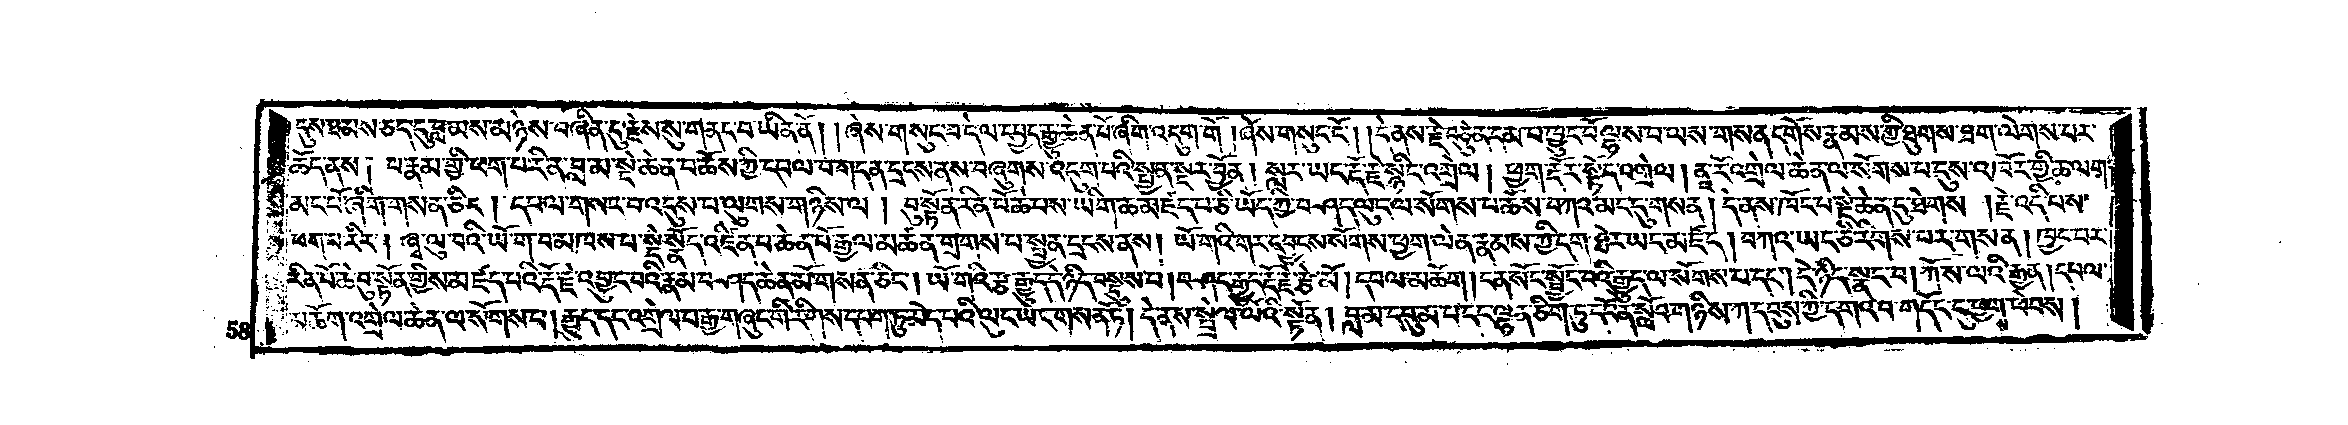དུས་ཐམས་ཅད་དུ་བླ་མས་མཉེས་བཞིན་དུ་རྗེས་སུ་གནང་བ་ཡིན་ནོ། །ཞེས་གསུངས་བ་དེ་ལ་དཔྱད་རྒྱུ་ཆེན་པོ་ཞིག་འདུག་གོ །ཞེས་གསུང་ངོ། །དེ་ནས་རྗེ་བཙུན་དམ་པ་ཁྱུང་པོ་ལྷས་པ་ལས་གསན་དགོས་རྣམས་ཀྱི་ཐུགས་ཐག་ལེགས་པར་
ཆོད་ནས། པ་རྣམ་གྱི་ཕག་པ་རི་ན་བླ་མ་སྡེ་ཆེན་པ་ཆོས་ཀྱི་དཔལ་བ་གདན་དྲངས་ནས་བཞུགས་འདུག་པའི་སྤྱན་སྔར་བྱོན། སླར་ཡང་རྡོ་རྗེ་སྙིང་འགྲེལ། ཕྱག་རྡོར་སྟོད་འགྲེལ། ནཱ་རོ་འགྲེལ་ཆེན་ལ་སོགས་པ་དུས་འཁོར་གྱི་ཆ་ལག་
མང་པོ་ཞིག་གསན་ཅིང་། དཔལ་གསང་བ་འདུས་པ་ལུགས་གཉིས་ལ། བུ་སྟོན་རིན་པོ་ཆེ་བས་ཡིག་ཆ་མཛད་པ་ཅི་ཡོད་ཀྱི་བཤད་ལུང་ལ་སོགས་པ་ཆོས་བཀའ་མང་དུ་གསན། དེ་ནས་ཁོང་པ་སྡེ་ཆེན་དུ་ཐེགས་།རྗེ་འདི་པས་
ཕག་པ་རིར། ཞྭ་ལུ་བའི་ཡོ་ག་བ་མཁས་པ་སྡེ་སྣོད་འཛིན་པ་ཆེན་པོ་རྒྱལ་མཚན་གྲགས་པ་སྤྱན་དྲངས་ནས། ཡོ་གའི་གར་དབྱངས་སོགས་ཕྱག་ལེན་རྣམས་ཀྱི་དག་ཐེར་ཡང་མཛད། བཀའ་ཡང་ཅི་རིགས་པར་གསན། ཁྱད་པར་
རིན་པོ་ཆེ་བུ་སྟོན་གྱིས་མཛད་པའི་རྡོ་རྗེ་འབྱུང་བའི་རྣམ་བཤད་ཆེན་མོ་གསན་ཅིང་། ཡོ་གའི་རྩ་རྒྱུད་དེ་ཉིད་བསྡུས་པ། བཤད་རྒྱུད་རྡོ་རྗེ་རྩེ་མོ། དཔལ་མཆོག །ངན་སོང་སྦྱོང་བའི་རྒྱུད་ལ་སོགས་པ་དང་། དེ་ཉིད་སྣང་བ། ཀོ་ས་ལའི་རྒྱན། དཔལ་
མཆོག་འགྲེལ་ཆེན་ལ་སོགས་པ། རྒྱུད་དང་འགྲེལ་པ་རྒྱ་གཞུང་གི་རིགས་དཔག་ཏུ་མེད་པའི་ལུང་ཡང་གསན་ཏོ། དེ་ནས་སྤྲེལ་ལོའི་སྟོན། བླ་མ་དབུ་མ་པ་དང་ལྷན་ཅིག་ཏུ་དཔོན་སློབ་གཉིས་ཀ་དབུས་ཀྱི་དགའ་བ་གདོང་དུ་ཕྱགས་ཕེབས།